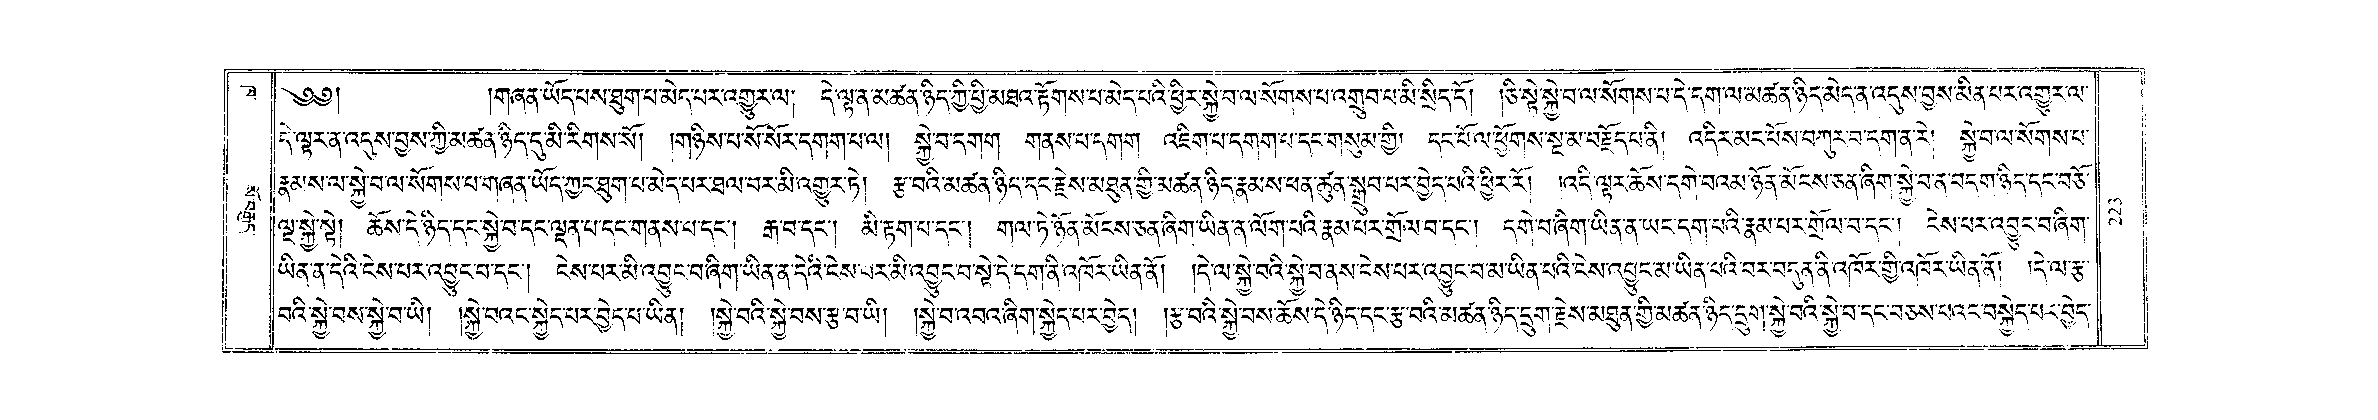༄༅། །གཞན་ཡོད་པས་ཐུག་པ་མེད་པར་འགྱུར་ལ། དེ་ལྟ་ན་མཚན་ཉིད་ཀྱི་ཕྱི་མཐའ་རྟོགས་པ་མེད་པའི་ཕྱིར་སྐྱེ་བ་ལ་སོགས་པ་འགྲུབ་པ་མི་སྲིད་དོ། །ཅི་སྟེ་སྐྱེ་བ་ལ་སོགས་པ་དེ་དག་ལ་མཚན་ཉིད་མེད་ན་འདུས་བྱས་མིན་པར་འགྱུར་ལ་
དེ་ལྟར་ན་འདུས་བྱས་ཀྱི་མཚན་ཉིད་དུ་མི་རིགས་སོ། །གཉིས་པ་སོ་སོར་དགག་པ་ལ། སྐྱེ་བ་དགག་གནས་པ་དགག་འཇིག་པ་དགག་པ་དང་གསུམ་གྱི། དང་པོ་ལ་ཕྱོགས་སྔ་མ་བརྗོད་པ་ནི། འདིར་མང་པོས་བཀུར་བ་དག་ན་རེ། སྐྱེ་བ་ལ་སོགས་པ་
རྣམས་ལ་སྐྱེ་བ་ལ་སོགས་པ་གཞན་ཡོད་ཀྱང་ཐུག་པ་མེད་པར་ཐལ་བར་མི་འགྱུར་ཏེ། རྩ་བའི་མཚན་ཉིད་དང་རྗེས་མཐུན་གྱི་མཚན་ཉིད་རྣམས་ཕན་ཚུན་སྒྲུབ་པར་བྱེད་པའི་ཕྱིར་རོ། །འདི་ལྟར་ཆོས་དགེ་བའམ་ཉོན་མོངས་ཅན་ཞིག་སྐྱེ་བ་ན་བདག་ཉིད་དང་བཅོ་
ལྔ་སྐྱེ་སྟེ། ཆོས་དེ་ཉིད་དང་སྐྱེ་བ་དང་ལྡན་པ་དང་གནས་པ་དང་། རྒ་བ་དང་། མི་རྟག་པ་དང་། གལ་ཏེ་ཉོན་མོངས་ཅན་ཞིག་ཡིན་ན་ལོག་པའི་རྣམ་པར་གྲོལ་བ་དང་། དགེ་བ་ཞིག་ཡིན་ན་ཡང་དག་པའི་རྣམ་པར་གྲོལ་བ་དང་། ངེས་པར་འབྱུང་བ་ཞིག་
ཡིན་ན་དེའི་ངེས་པར་འབྱུང་བ་དང་། ངེས་པར་མི་འབྱུང་བ་ཞིག་ཡིན་ན་དེའི་ངེས་པར་མི་འབྱུང་བ་སྟེ་དེ་དག་ནི་འཁོར་ཡིན་ནོ། །དེ་ལ་སྐྱེ་བའི་སྐྱེ་བ་ནས་ངེས་པར་འབྱུང་བ་མ་ཡིན་པའི་ངེས་འབྱུང་མ་ཡིན་པའི་བར་བདུན་ནི་འཁོར་གྱི་འཁོར་ཡིན་ནོ། །དེ་ལ་རྩ་
བའི་སྐྱེ་བས་སྐྱེ་བ་ཡི། །སྐྱེ་པའང་སྐྱེད་པར་བྱེད་པ་ཡིན། །སྐྱེ་བའི་སྐྱེ་བས་རྩ་བ་ཡི། །སྐྱེ་བ་འབའ་ཞིག་སྐྱེད་པར་བྱེད། །རྩ་བའི་སྐྱེ་བས་ཆོས་དེ་ཉིད་དང་རྩ་བའི་མཚན་ཉིད་དྲུག་རྗེས་མཐུན་གྱི་མཚན་ཉིད་དྲུག་སྐྱེ་བའི་སྐྱེ་བ་དང་བཅས་པའང་བསྐྱེད་པར་བྱེད་